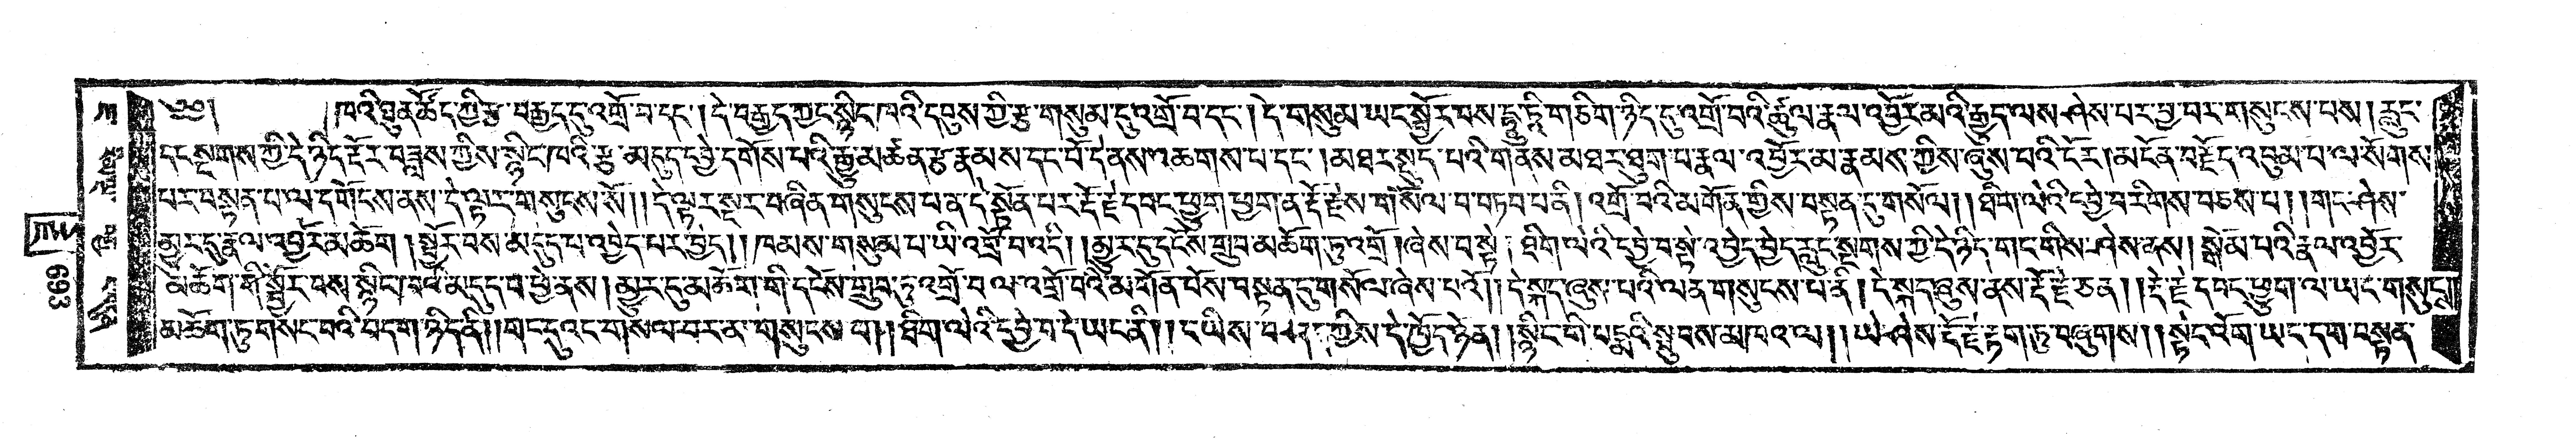༄༅། །ཁའི་ཐུན་ཚོད་ཀྱི་རྩ་བརྒྱད་དུ་འགྲོ་བ་དང་།དེ་བརྒྱད་ཀྱང་སྙིང་ཁའི་དབུས་ཀྱི་རྩ་གསུམ་དུ་འགྲོ་བ་དང་། ད་གསུམ་ཡང་སྦྱོར་བས་དྷཱུ་ཏཱི་གཅིག་ཉིད་དུ་འགྲོ་བའི་ཚུལ་རྣལ་འབྱོར་མའི་རྒྱུད་ལས་ཤེས་པར་བྱ་བར་གསུངས་པས། རླུང་
དང་སྔགས་ཀྱི་དེ་ཉིད་རྡོར་བཟླས་ཀྱིས་སྙིང་ཁའི་རྩ་མདུད་དབྱེ་དགོས་པའི་རྒྱུ་མཚན་རྩ་རྣམས་དང་པོ་དེ་ནས་འཆགས་པ་དང་། མཐར་སྡུད་པའི་གནས་མཐར་ཐུག་པ་རྣལ་འབྱོར་མ་རྣམས་ཀྱིས་ཞུས་པའི་ངོར། མངོན་བརྗོད་འབུམ་པ་ལ་སོགས་
པར་བསྟན་པ་ལ་དགོངས་ནས་དེ་ལྟར་གསུངས་སོ། །དེ་ལྟར་སྔར་བཞིན་གསུངས་པ་ན་དེ་སྟོན་པར་རྡོ་རྗེ་དབང་ཕྱུག་ཕྱག་ན་རྡོ་རྗེས་གསོལ་བ་བཏབ་པ་ནི། འགྲོ་བའི་མགོན་གྱིས་བསྟན་དུ་གསོལ། །ཐིག་ལེའི་དབྱེ་བ་རིགས་བཅས་པ། །གང་ཤེས་
མྱུར་དུ་རྣལ་འབྱོར་མཆོག །སྦྱོར་བས་མདུད་པ་འབྱེད་པར་བྱེད། །ཁམས་གསུམ་པ་ཡི་འགྲོ་བ་འདི། །མྱུར་དུ་དངོས་གྲུབ་མཆོག་ཏུ་འགྲོ་།ཞེས་པ་སྟེ། ཐིག་ལེའི་དབྱེ་བ་སྟེ་འབྱེད་བྱེད་རླུང་སྔགས་ཀྱི་དེ་ཉིད་གང་གིས་ཤེས་ནས། སྒོམ་པའི་རྣལ་འབྱོར་
མཆོག་གི་སྦྱོར་བས་སྙིང་ཁའི་མདུད་པ་ཕྱེ་ནས། མྱུར་དུ་མཆོག་གི་དངོས་གྲུབ་ཏུ་འགྲོ་བ་ལ་འགྲོ་བའི་མགོན་པོས་བསྟན་དུ་གསོལ་ཞེས་པའོ། །དེ་སྐད་ཞུས་པའི་ལན་གསུངས་པ་ནི། དེ་སྐད་ཞུས་ནས་རྡོ་རྗེ་ཅན། །རྡོ་རྗེ་དབང་ཕྱུག་ལ་ཡང་གསུངས་
མཆོག་ཏུ་གསང་བའི་བདག་ཉིད་ནི། །གང་དུའང་གསལ་བར་མ་གསུངས་པ། །ཐིག་ལེའི་དབྱེ་བ་དེ་ཡང་ནི། །ང་ཡིས་བཤད་ཀྱིས་དེ་ཁྱོད་ཉོན། །སྙིང་གི་པདམའི་སྦུགས་མཁའ་ལ། །ཡེ་ཤེས་རྡོ་རྗེ་རྟག་ཏུ་བཞུགས། །སྟེང་འོག་ཡང་དག་བསྟན་